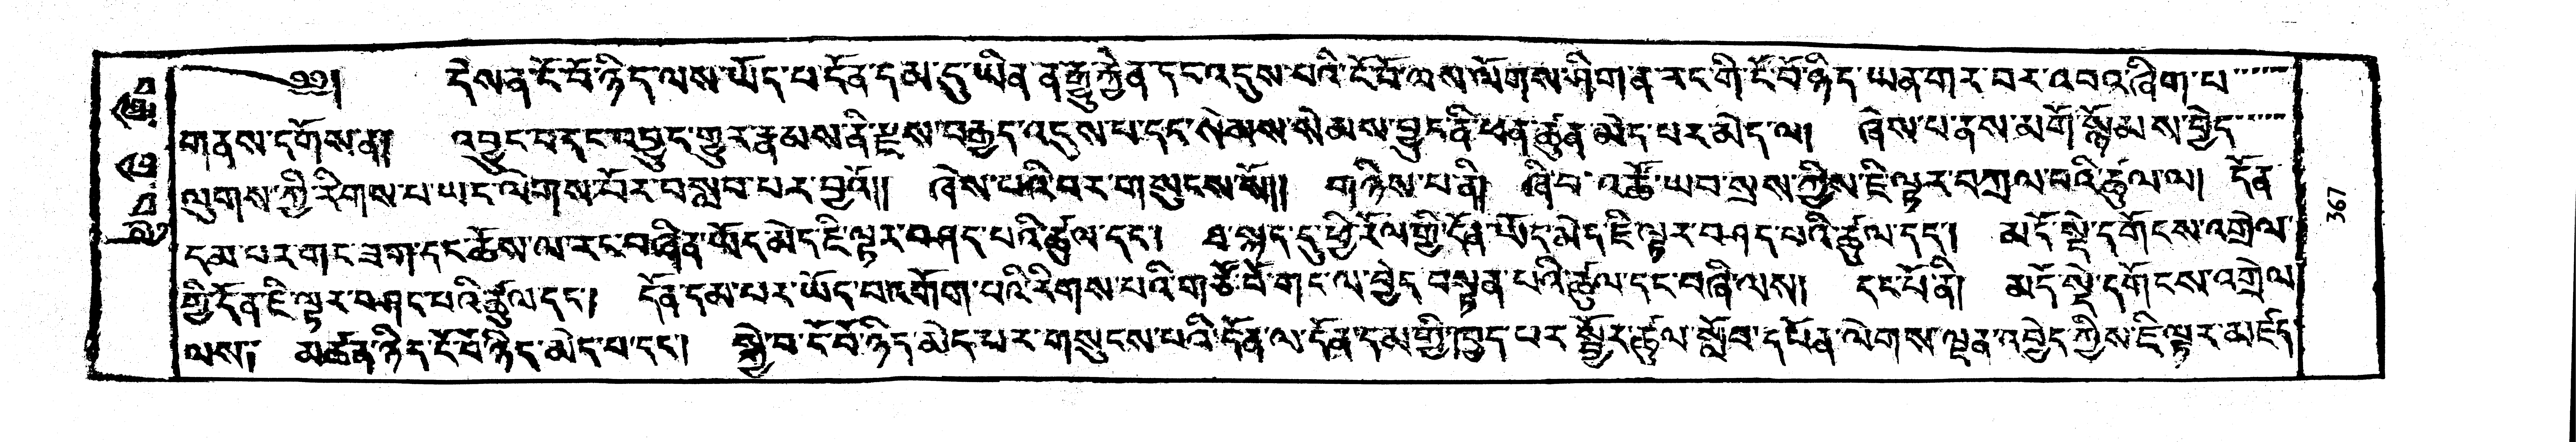༄༅། །དེས་ན་ངོ་བོ་ཉིད་ལས་ཡོད་པ་དོན་དམ་དུ་ཡིན་ན་རྒྱུ་རྐྱེན་དང་འདུས་པའི་ངོ་བོ་ལས་ལོགས་ཤིག་ན་རང་གི་ངོ་བོ་ཉིད་ཡན་གར་བར་འབའ་ཞིག་པ་
གནས་དགོས་ན། འབྱུང་བ་དང་འབྱུང་གྱུར་རྣམས་ནི་རྫས་བརྒྱད་འདུས་པ་དང་སེམས་སེམས་བྱུང་ནི་ཕན་ཚུན་མེད་པར་མེད་ལ། ཞེས་པ་ནས་མགོ་སྙོམས་བྱེད་
ལུགས་ཀྱི་རིགས་པ་ཡང་ལེགས་པོར་བསླབ་པར་བྱའོ། །ཞེས་པའི་བར་གསུངས་སོ། །གཉིས་པ་ནི། ཞི་བ་འཚོ་ཡབ་སྲས་ཀྱིས་ཇི་ལྟར་བཀྲལ་བའི་ཚུལ་ལ། དོན་
དམ་པར་གང་ཟག་དང་ཆོས་ལ་རང་བཞིན་ཡོད་མེད་ཇི་ལྟར་བཤད་པའི་ཚུལ་དང་། ཐ་སྙད་དུ་ཕྱི་རོལ་གྱི་དོན་ཡོད་མེད་ཇི་ལྟར་བཤད་པའི་ཚུལ་དང་། མདོ་སྡེ་དགོངས་འགྲེལ་
གྱི་དོན་ཇི་ལྟར་བཤད་པའི་ཚུལ་དང་། དོན་དམ་པར་ཡོད་བ་འགོག་པའི་རིགས་པའི་གཙོ་བོ་གང་ལ་བྱེད་བསྟན་པའི་ཚུལ་དང་བཞི་ལས། དང་པོ་ནི། མདོ་སྡེ་དགོངས་འགྲེལ་
ལས༑ མཚན་ཉིད་ངོ་བོ་ཉིད་མེད་པ་དང་། སྐྱེ་བ་ངོ་བོ་ཉིད་མེད་པར་གསུངས་པའི་དོན་ལ་དོན་དམ་གྱི་ཁྱད་པར་སྦྱོར་ཚུལ་སློབ་དཔོན་ལེགས་འབྱེད་ཀྱིས་ཇི་ལྟར་མཛད་